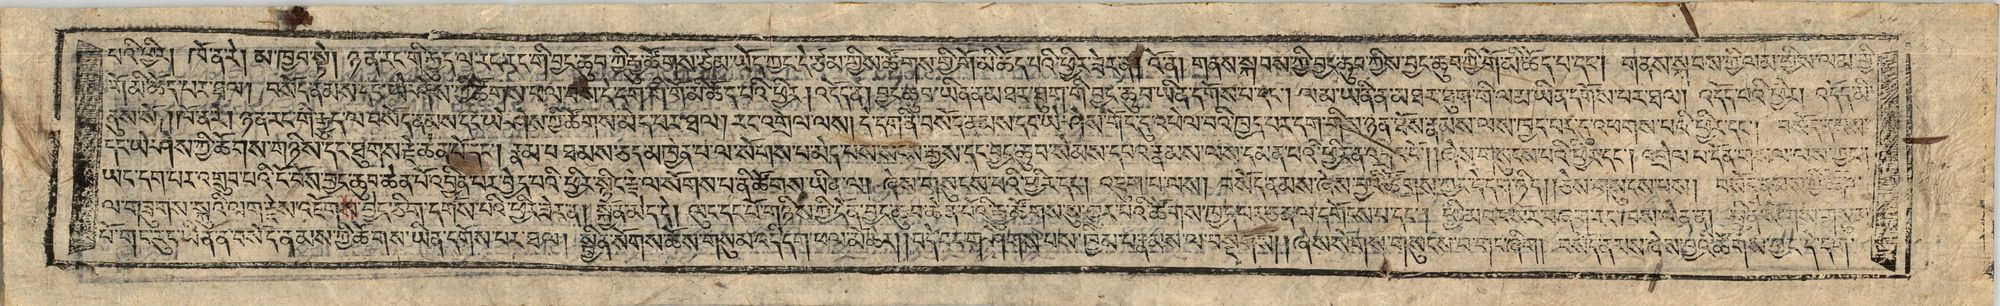པའི་ཕྱིར། ཁོ་ན་རེ། མ་ཁྱབ་སྟེ། ཉན་རང་གི་རྒྱུད་ལ་རང་རང་གི་བྱང་ཆུབ་ཀྱི་རྒྱུ་ཚོགས་ཙམ་ཡོད་ཀྱང་དེ་ཙམ་གྱིས་ཚོགས་གྱི་གོ་མི་ཆོད་བའི་ཕྱིར་ཟེར་ན། འོ་ན། གནས་སྐབས་ཀྱི་བྱང་ཆུབ་ཀྱིས་བྱང་ཆུབ་ཀྱི་གོ་མི་ཆོད་པ་དང་། གནས་སྐབས་ཀྱི་ལམ་གྱིས་ལམ་གྱི་
གོ་མི་ཆོད་པར་ཐལ། བསོད་ནམས་དང་ཡེ་ཤེས་ཀྱི་ཚོགས་ཕལ་བས་དེ་དག་གི་གོ་མི་ཆོད་པའི་ཕྱིར། འདོད་ན། བྱང་ཆུབ་ཡིན་ན་མཐར་ཐུག་གི་བྱང་ཆུབ་ཡིན་དགོས་པ་དང་། ལམ་ཡིན་ན་མཐར་ཐུག་གི་ལམ་ཡིན་དགོས་པར་ཐལ། འདོད་པའི་ཕྱིར། འདོད་མི་
ནུས་སོ། །ཁོ་ན་རེ། ཉན་རང་གི་རྒྱུད་ལ་བསོད་ནམས་དང་ཡེ་ཤེས་ཀྱི་ཚོགས་མེད་པར་ཐལ། རང་འགྲེལ་ལས། དེ་དག་ནི་བསོད་ནམས་དང་ཡེ་ཤེས་གོང་དུ་འཕེལ་བའི་ཁྱད་པར་དག་གིས་ཉན་ཐོས་རྣམས་ལས་ཁྱད་པར་དུ་འཕགས་པའི་ཕྱིར་དང་། བསོད་ནམས་
དང་ཡེ་ཤེས་ཀྱི་ཚོགས་གཉིས་དང་ཐུགས་རྗེ་ཆེན་པོ་དང་། རྣམ་པ་ཐམས་ཅད་མཁྱེན་པ་ལ་སོགས་པ་མེད་པས་སངས་རྒྱས་དང་བྱང་ཆུབ་སེམས་དཔའ་རྣམས་ལས་དམན་པའི་ཕྱིར་ན་འབྲིང་ངོ། །ཞེས་གསུངས་པའི་ཕྱིར་དང་། འགྲེལ་པ་དོན་གསལ་ལས་ཀྱང་།
ཡང་དག་པར་འགྲུབ་པའི་ངོ་བོས་བྱང་ཆུབ་ཆེན་པོ་འབྱིན་པར་བྱེད་པའི་ཕྱིར་སྙིང་རྗེ་ལ་སོགས་པ་ནི་ཚོགས་ཡིན་ལ། ཞེས་གསུངས་པའི་ཕྱིར་དང་། འཇུག་པ་ལས། བསོད་ནམས་ཞེས་བྱའི་ཚོགས་ཀྱང་དེ་དག་ཉིད། །ཅེས་གསུངས་པས། བསོད་ནམས་ཀྱི་ཚོགས་
ལ་གཟུགས་སྐུའི་ལག་རྗེས་འཇོག་བྱེད་ཅིག་དགོས་པའི་ཕྱིར་ཟེར་ན། སྐྱོན་མེད་དེ། ལུང་དང་པོ་གཉིས་ཀྱི་དོན་བྱང་ཆུབ་ཆེན་པོའི་རྒྱུ་ཚོགས་སུ་གྱུར་པའི་ཚོགས་ཁྱད་པར་ཅན་ལ་དགོངས་པ་དང་། ཕྱི་མའང་སོར་བཞག་རང་ཁས་ལེན་ན། སྤྱིན་སོགས་གསུམ་
པོ་གང་རུང་ཡིན་ན་བསོད་ནམས་ཀྱི་ཚོགས་ཡིན་དགོས་པར་ཐལ། སྦྱིན་སོགས་ཆོས་གསུམ་འདི་དག་ཕལ་མོ་ཆེར། །བདེ་བར་གཤེགས་པས་ཁྱིམ་པ་རྣམས་ལ་བསྔགས། །ཞེས་སོགས་གསུངས་པ་གང་ཞིག །བསོད་ནམས་ཞེས་བྱའི་ཚོགས་ཀྱང་དེ་དག་